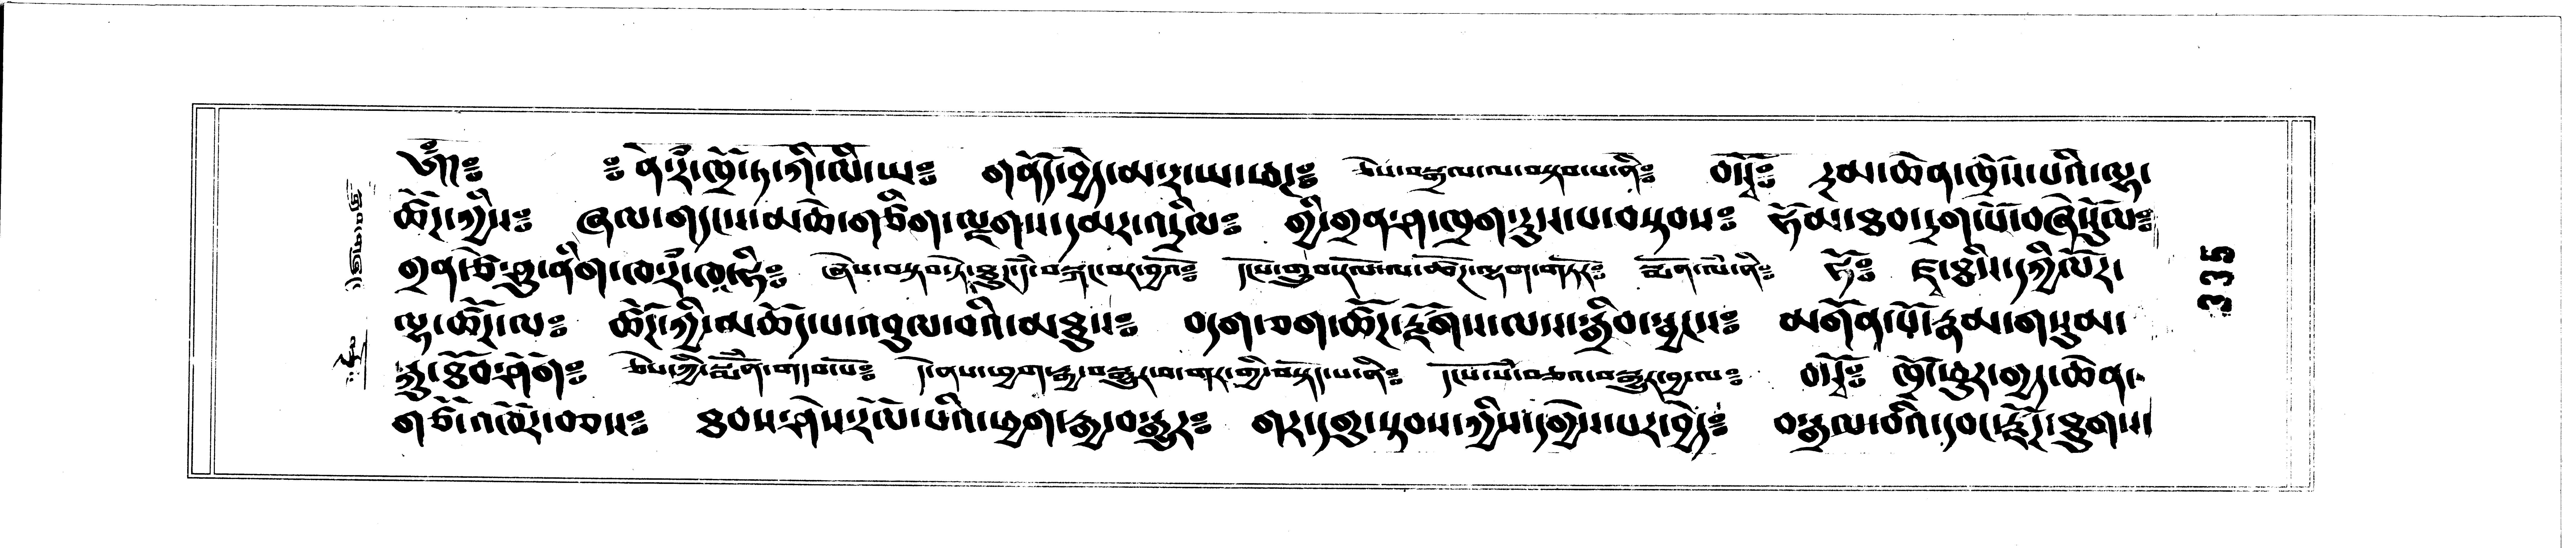ནེ་རམ་ཁྲོ་ཏ་ཀི་ལི་ཡ༔ གནོད་བྱེད་མ་ར་ཡ་ཕཊ༔ ཅེས་བསྒྲལ་ལ་བསྟབ་པ་ནིཿ བསྭོ༔ རྔམ་ཆེན་ཁྲོས་པའི་ལྷ་
ཚོགས་ཀྱིསཿ ཞལ་གདངས་མཆེ་གཙིག་ལྗགས་དམར་འདྲིལཿ གྱི་གྲན་ཤ་ཁྲག་རུས་པ་བསྟབསཿ ཧོམ་ཐབ་དྲག་པོ་བཞེས་སུ་གསོལ༔ 
གྲན་ཙེ་ཤུ་ནིག་ཁ་རམ་ཁཱ་ཧི༔ ཞེས་བསྟབ་ཏེ་ཐུགས་དམ་བསྐང་བར་བྱའོ༔ དངོས་གྲུབ་རོལ་ལ་ཚོགས་ལྷག་གཏོརཿ སྨོན་ལམ་ནི༔ ཧོ༔ ཛྭ་ཐིས་དཀྱིལ་འཁོར་
ལྷ་ཚོགས་ལ༔ ཚོགས་ཀྱི་མཆོད་པ་འབུལ་བའི་མཐུས༔ བདག་ཅག་ཚོགས་རྫོགས་ལས་སྒྲིབ་སྦྱངས༔ མགོན་པོ་རྣམ་གསུམ་
སྐུ་ཐོབ་ཤོག༔ ཅེས་ཀྱི་སྨོན་ལམ་གདབ་བོ༔ དེ་ནས་ཕྱག་རྒྱ་བསྒྱུར་བ་གར་གྱི་བསྟོད་པ་ནི༔ དངོས་པོ་བཅའ་བསྒྱུར་བྱ་ལ༔ བསྭོ༔ ཁྲོ་ཕུར་གྱད་ཆེན་
གཙོ་འཁོར་བཅས༔ ཐབས་ཤེས་རོལ་པའི་ཕྱག་རྒྱ་བསྒྱུརཿ གར་དགུ་སྟབས་ཀྱིས་དགྱེས་པར་བྱེད༔ བསྒྲལ་བའི་དབང་རྫོགས་ཐུགས་